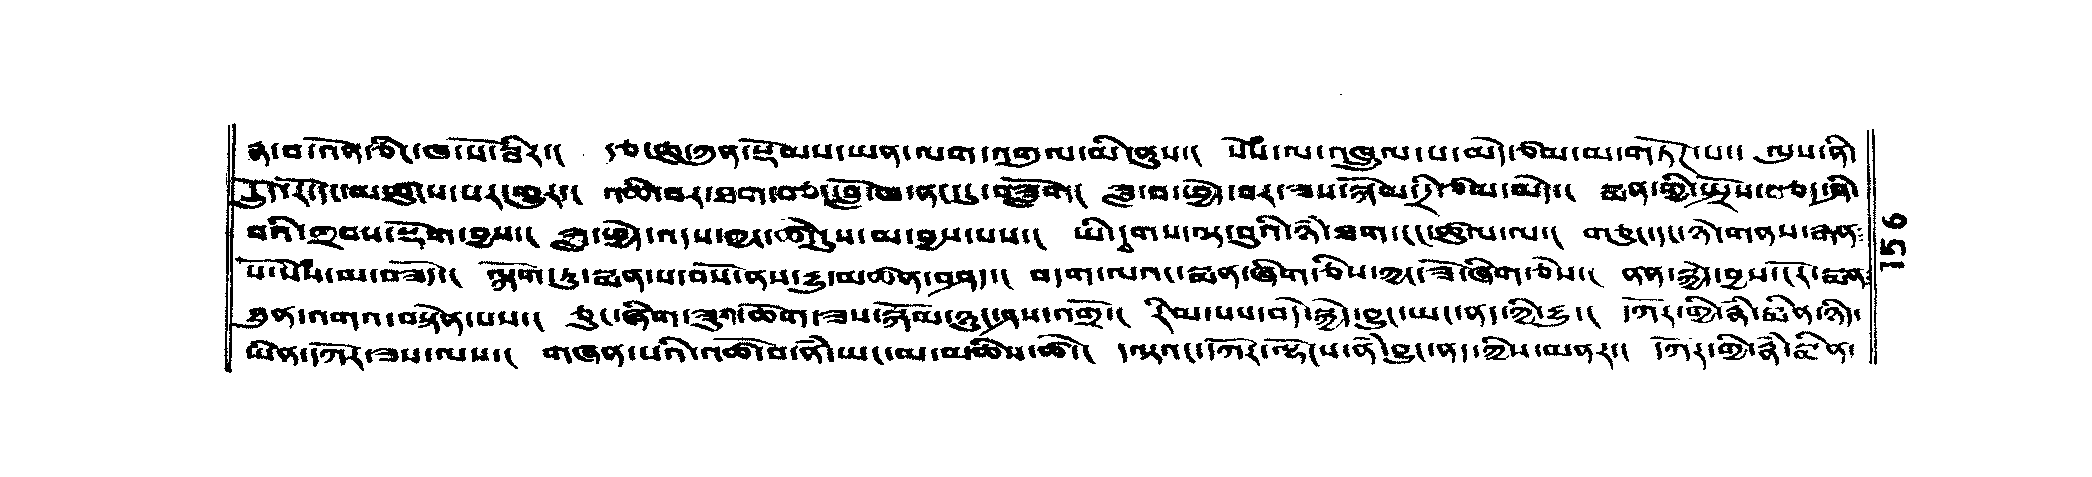རྣ་བ་འོན་ཅིང་ཁ་སོ་སྦིར། །རྩ་ཆུ་ཀུན་སྡམས་ཡན་ལག་འགུལ་མི་ནུས། སེམས་ལ་འཁྲུལ་པ་མེད་ཙམ་མ་གཏོགས་པ། །ལུས་ནི་
དུད་ཁྲོད་རོ་དང་མཚུངས་པར་གྱུར། །འཆི་བར་ཐག་བཅད་བློ་ཁ་ནང་དུ་བཟློག །ཟླ་བ་ཕྱེད་བར་ཟས་སྐོམ་དྲི་ཙམ་མེད། །སྨན་གྱི་སྤྲོས་བཅད་ཤི་
བའི་གྲབས་སྡོག་བྱས། །ཟླ་ཕྱེད་འདས་ཀྱང་ཚེ་དུས་མ་བྱས་པས། །ཡི་དྭགས་ལྟ་བུའི་ཉམ་ཐག་ངང་ཚུལ་ལ། །གཅུང་དང་ཉེ་གནས་རྒན་
པོ་སེམས་མ་བཟོད། །ལྐོག་ཏུ་སྨན་པ་བོས་ནས་རྒྱུ་མཚན་བཤད། །བདག་ལའང་སྨན་ཞིག་ཅིས་ཀྱང་ཟོ་ཞིག་ཅེས། །ནན་སྐྱེད་བྱས་ངོར་སྨན་
ཐུན་འགའ་བསྟེན་པས། །ཅུང་ཞིག་ཟུག་ཆོག་ཟས་སྐོམ་ཉུང་ཤས་འགྲོ། །རིམ་པས་བདེ་སྐྱེད་བྱུང་ཡང་ནད་ཀྱི་རྒྱུ། །དཀོར་གྱི་རྣམ་སྨིན་ཉིད་
ཡིན་དཀོར་ཟས་ལས། །གཞན་པའི་འཚོ་བ་ནམ་ཡང་མ་མཆིས་ཚེ། །ད་ལྟའང་དཀོར་ལྷོངས་ནམ་བྱུང་ནད་ཀྱིས་མནར། །དཀོར་གྱི་རྣམ་སྨིན་